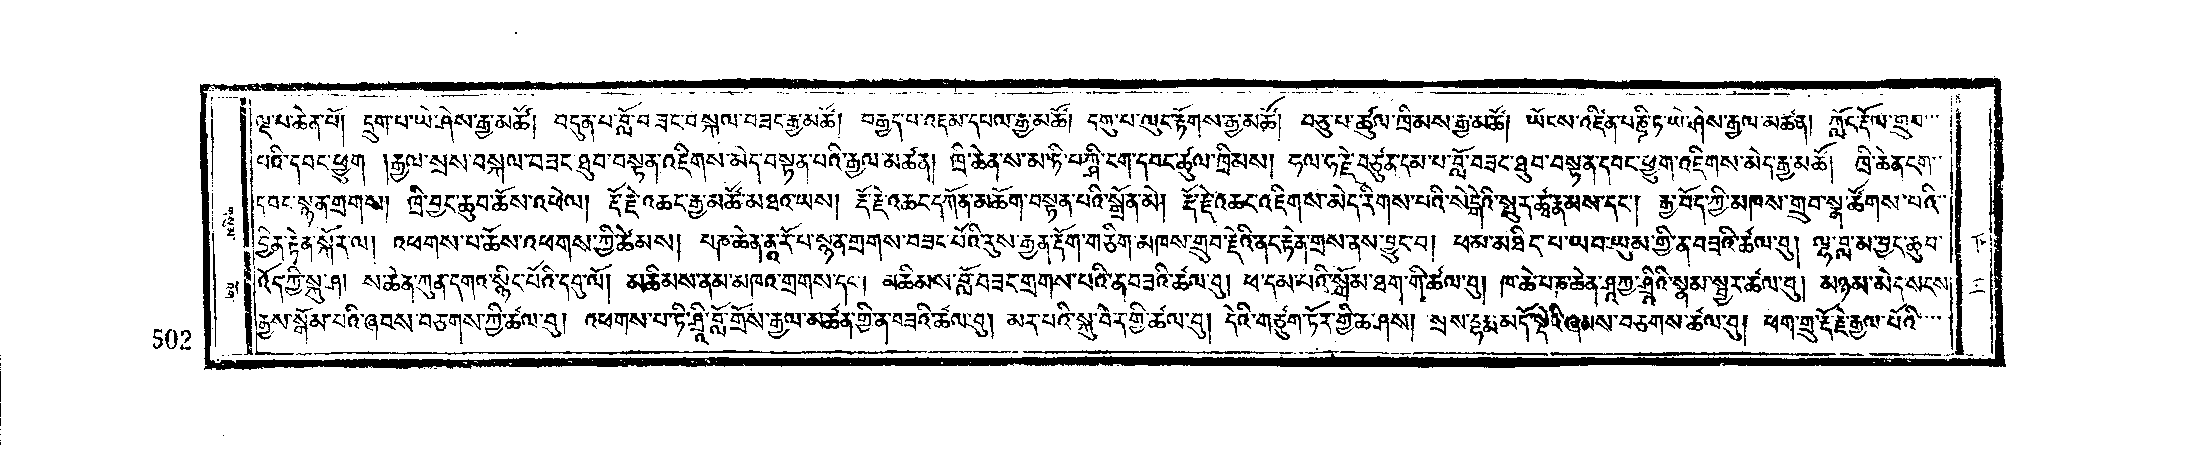ལྔ་པ་ཆེན་པོ། དྲུག་པ་ཡེ་ཤེས་རྒྱ་མཚོ། བདུན་པ་བློ་བཟང་བསྐལ་བཟང་རྒྱ་མཚོ། བརྒྱད་པ་འཇམ་དཔལ་རྒྱ་མཚོ། དགུ་པ་ལུང་རྟོགས་རྒྱ་མཚོ། བཅུ་པ་ཚུལ་ཁྲིམས་རྒྱ་མཚོ། ཡོངས་འཛིན་པཎྜི་ཏ་ཡེ་ཤེས་རྒྱལ་མཚན། ཀློང་རྡོལ་གྲུབ་
པའི་དབང་ཕྱུག །རྒྱལ་སྲས་བསྐལ་བཟང་ཐུབ་བསྟན་འཇིགས་མེད་བསྟན་པའི་རྒྱལ་མཚན། ཁྲི་ཆེན་ས་མ་ཏི་པཀྴི་ངག་དབང་ཚུལ་ཁྲིམས། ཧལ་ཧ་རྗེ་བཙུན་དམ་པ་བློ་བཟང་ཐུབ་བསྟན་དབང་ཕྱུག་འཇིགས་མེད་རྒྱ་མཚོ། ཁྲི་ཆེན་ངག་
དབང་སྙན་གྲགས། ཁྲི་བྱང་ཆུབ་ཆོས་འཕེལ། རྡོ་རྗེ་འཆང་རྒྱ་མཚོ་མཐའ་ཡས། རྡོ་རྗེ་འཆང་དཀོན་མཆོག་བསྟན་པའི་སྒྲོན་མེ། རྡོ་རྗེ་འཆང་འཇིགས་མེད་རིགས་པའི་སེངྒེའི་སྤུར་ཚྭ་རྣམས་དང་། རྒྱ་བོད་ཀྱི་མཁས་གྲུབ་སྣ་ཚོགས་པའི་
བྱིན་རྟེན་སྐོར་ལ། འཕགས་པ་ཆོས་འཕགས་ཀྱི་ཚེམས། པཎ་ཆེན་ནཱ་རོ་པ་སྙན་གྲགས་བཟང་པོའི་རུས་རྒྱན་རྡོག་གཅིག་མཁས་གྲུབ་རྗེའི་ནང་རྟེན་གྲས་ནས་བྱུང་བ། ཕམ་མཐིང་པ་ཡབ་ཡུམ་གྱི་ན་བཟའི་ཚལ་བུ། ལྷ་བླ་མ་བྱང་ཆུབ་
འོད་ཀྱི་སྐུ་ཤ། ས་ཆེན་ཀུན་དགའ་སྙིང་པོའི་དབུ་ལོ། མཆིམས་ནམ་མཁའ་གྲགས་དང་། མཆིམས་བློ་བཟང་གྲགས་པའི་ན་བཟའི་ཚལ་བུ། ཕ་དམ་པའི་སྒོམ་ཐག་གི་ཚལ་བུ། ཁ་ཆེ་པཎ་ཆེན་ཤཱཀྱ་ཤྲཱིའི་སྣམ་སྦྱར་ཚལ་བུ། མཉམ་མེད་སངས་
རྒྱས་སྒོམ་པའི་ཞབས་བཅགས་ཀྱི་ཚལ་བུ། འཕགས་པ་ཏི་ཤྲཱི་བློ་གྲོས་རྒྱལ་མཚན་གྱི་ན་བཟའི་ཚལ་བུ། མར་པའི་སྐུ་བེར་གྱི་ཚལ་བུ། དེའི་གཙུག་ཏོར་གྱི་ཆ་ཤས། སྲས་དྷརྨ་མདོ་སྡེའི་ཞབས་བཅགས་ཚལ་བུ། ཕག་གྲུ་རྡོ་རྗེ་རྒྱལ་པོའི་